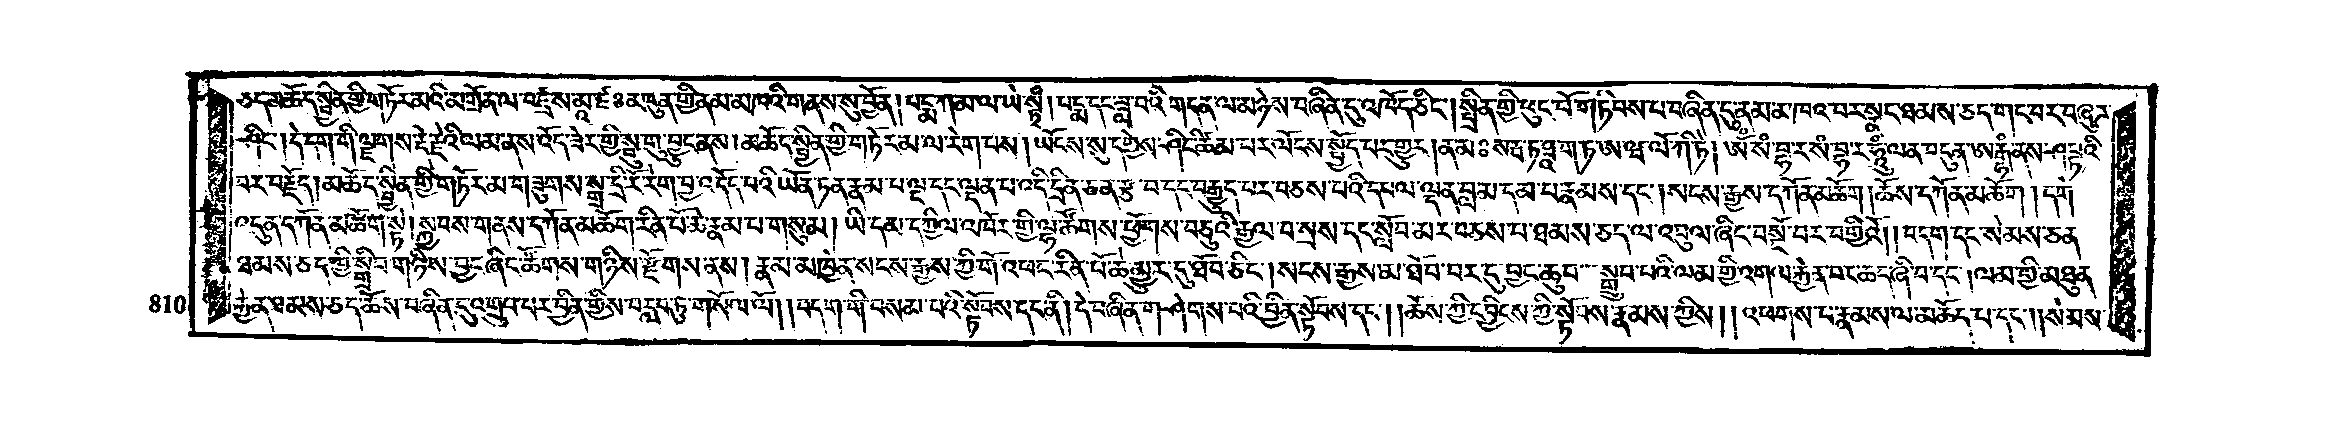ཅད་མཆོད་སྦྱིན་གྱི་གཏོར་མའི་མགྲོན་ལ་བཛྲ་ས་མཱ་ཛཿ མདུན་གྱི་ནམ་མཁའི་གནས་སུ་བྱོན། པདམ་ཀ་མ་ལ་ཡེ་སྟྭི། པདམ་དང་ཟླ་བའི་གདན་ལ་མཉེས་བཞིན་དུ་འཁོད་ཅིང་།སྤྲིན་གྱི་ཕུང་པོ་གཏིབས་པ་བཞིན་དུ་ནམ་མཁའ་བར་སྣང་ཐམས་ཅད་གང་བར་བཞུགས་
ཤིང་།དེ་དག་གི་ལྗགས་རྡོ་རྗེའི་ལམ་ནས་འོད་ཟེར་གྱི་སྤུ་གུ་བྱུང་ནས། མཆོད་སྦྱིན་གྱི་གཏོར་མ་ལ་རེག་པས། ཡོངས་སུ་དགྱེས་ཤིང་ཚིམ་པར་ལོངས་སྤྱོད་པར་གྱུར། ན་མཿ སརྦ་ཏ་ཐཱ་ག་ཏ་ཨ་ཝ་ལོ་ཀི་ཏེ། ཨོཾ་སཾ་བྷ་ར་སཾ་བྷ་ར་ཧཱུཾ་ལན་བདུན་ཨརྒྷཾ་ནས་ཤ་པྟའི་
བར་བརྗོད། མཆོད་སྦྱིན་གྱི་གཏོར་མ་གཟུགས་སྒྲ་དྲི་རོ་རེག་བྱ་འདོད་པའི་ཡོན་ཏན་རྣམ་པ་ལྔ་དང་ལྡན་པ་འདི་དྲིན་ཅན་རྩ་བ་དང་བརྒྱུད་པར་བཅས་པའི་དཔལ་ལྡན་བླ་མ་དམ་པ་རྣམས་དང་། སངས་རྒྱས་དཀོན་མཆོག །ཆོས་དཀོན་མཆོག །དགེ་
འདུན་དཀོན་མཆོག་སྟེ། སྐྱབས་གནས་དཀོན་མཆོག་རིན་པོ་ཆེ་རྣམ་པ་གསུམ། ཡི་དམ་དཀྱིལ་འཁོར་གྱི་ལྷ་ཚོགས་ཕྱོགས་བཅུའི་རྒྱལ་བ་སྲས་དང་སློབ་མར་བཅས་པ་ཐམས་ཅད་ལ་འབུལ་ཞིང་བསྔོ་བར་བགྱིའོ། །བདག་དང་སེམས་ཅན་
ཐམས་ཅད་ཀྱི་སྒྲིབ་གཉིས་བྱང་ཞིང་ཚོགས་གཉིས་རྫོགས་ནས། རྣམ་མཁྱེན་སངས་རྒྱས་ཀྱི་གོ་འཕང་རིན་པོ་ཆེ་མྱུར་དུ་ཐོབ་ཅིང་།སངས་རྒྱས་མ་ཐོབ་བར་དུ་བྱང་ཆུབ་སྒྲུབ་པའི་ལམ་གྱི་འགལ་རྐྱེན་བར་ཆད་ཞི་བ་དང་།ལམ་གྱི་མཐུན་
རྐྱེན་ཐམས་ཅད་ཆོས་བཞིན་དུ་འགྲུབ་པར་བྱིན་གྱིས་བརླབ་ཏུ་གསོལ་ལོ། །བདག་གི་བསམ་པའི་སྟོབས་དང་ནི། དེ་བཞིན་གཤེགས་པའི་བྱིན་སྟོབས་དང་། །ཆོས་ཀྱི་དབྱིངས་ཀྱི་སྟོབས་རྣམས་ཀྱིས། །འཕགས་པ་རྣམས་ལ་མཆོད་པ་དང་། །སེམས་